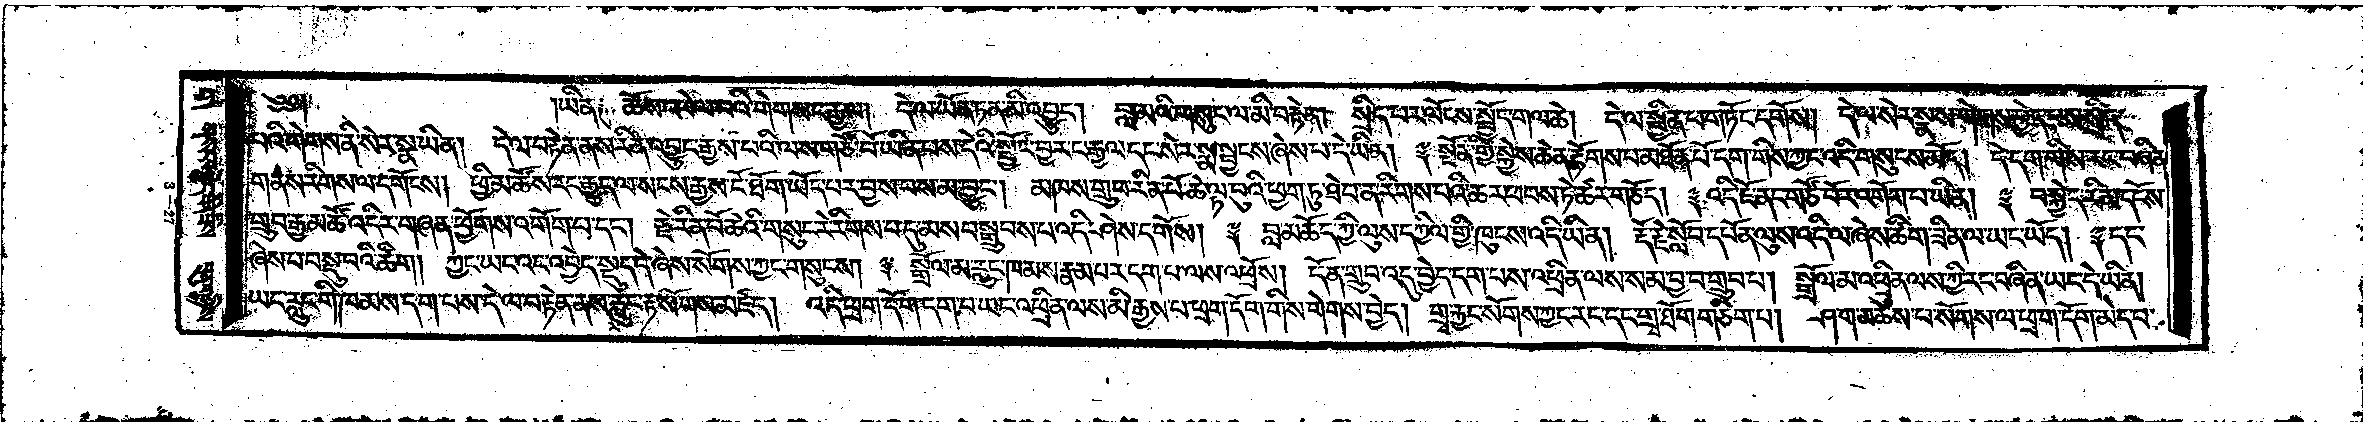༄༅། །ཡིན༑ ཆོས་འཕེལ་པའི་གེགས་ང་རྒྱལ། དེ་ལ་ཡོན་ཏན་མི་འབྱུང་། བླ་མའི་གསུང་ལ་མི་བརྟེན། སྲིད་པར་ལོངས་སྤྱོད་གལ་ཆེ། དེ་ལ་སྦྱིན་པ་གཏོང་དགོས། དེ་ལ་སེར་སྣས་གེགས་བྱེད་པས་སྲིད་
པའི་གེགས་ནི་སེར་སྣ་ཡིན། དེ་ལ་བརྟེན་ནས་རིན་འབྱུང་རྒྱས་པའི་ལས་གཙོ་བོ་ཡིན་པས་དེའི་སྦྱོང་བྱར་ང་རྒྱལ་དང་སེར་སྣ་སྦྱངས་ཞེས་པ་དེ་ཡིན། ༈ སྔོན་གྱི་སྐྱེས་ཆེན་རྟོགས་པ་མཐོན་པོ་དག་གིས་ཀྱང་འདི་གསུངས་མོད། དེ་དག་གིས་རང་བཞིན་
གནས་རིགས་ལ་དགོངས། ཕྱི་མ་ཚོས་རང་རྒྱུད་ལ་སངས་རྒྱས་ངོ་ཐོག་ཡོད་པར་བྱས་བསམ་བྱུང་། མཁས་གྲུབ་རིན་པོ་ཆེ་ལྟ་བུའི་ཕྱག་ཏུ་ཐེབ་ན་རིགས་པའི་ཆར་ཕབས་ཏེ་ཚར་གཅོད། ༈ འདི་ཇོ་ནང་གཙོ་བོར་འགོག་པ་ཡིན། ༈ བསྐྱེད་རིམ་དངོས་
གྲུབ་རྒྱ་མཚོ་འདིར་གཞན་ཕྱོགས་འགོག་པ་དང་། རྗེ་རིན་པོ་ཆེའི་གསུང་རེ་རིགས་པ་དུ་མས་བསྒྲུབས་པ་འདི་ཤེས་དགོས། ༈ བླ་མཆོད་ཀྱི་ལུས་དཀྱིལ་གྱི་ཁུངས་འདི་ཡིན། རྡོ་རྗེ་སློབ་དཔོན་ལུས་འདི་ལ་ཞེས་ཚིག་ཟིན་ལ་ཡང་ཡོད། ༈ དང་
ཞེས་པ་བསྡུ་བའི་ཚིག། ཀྱང་ཡང་འང་འབྱེད་སྡུད་དེ་ཞེས་སོགས་ཀྱང་གསུངས། ༈ སྒྲོལ་མ་རླུང་ཁམས་རྣམ་པར་དག་པ་ལས་འཕྲོས། དོན་གྲུབ་འདུ་བྱེད་དག་པས་འཕྲིན་ལས་སམ་བྱ་བ་གྲུབ་པ། སྒྲོལ་མ་འཕྲིན་ལས་ཀྱི་རང་བཞིན་ཡང་དེ་ཡིན།
ཡང་རླུང་གི་ཁམས་དག་པས་དེ་ལ་བརྟེན་ནས་རླུང་རྟ་སོགས་མཛད། འདི་ཕྲག་དོག་དག་པ་ཡང་འཕྲིན་ལས་མི་རྒྱས་པ་ཕྲག་དོག་གིས་གེགས་བྱེད། གྲྭ་རྐྱང་སོགས་ཀྱང་རང་དང་གྲྭ་ཐོག་གཅིག་པ། ཤག་མཆས་པ་སོགས་ལ་ཕྲག་དོག་མེད་བ་